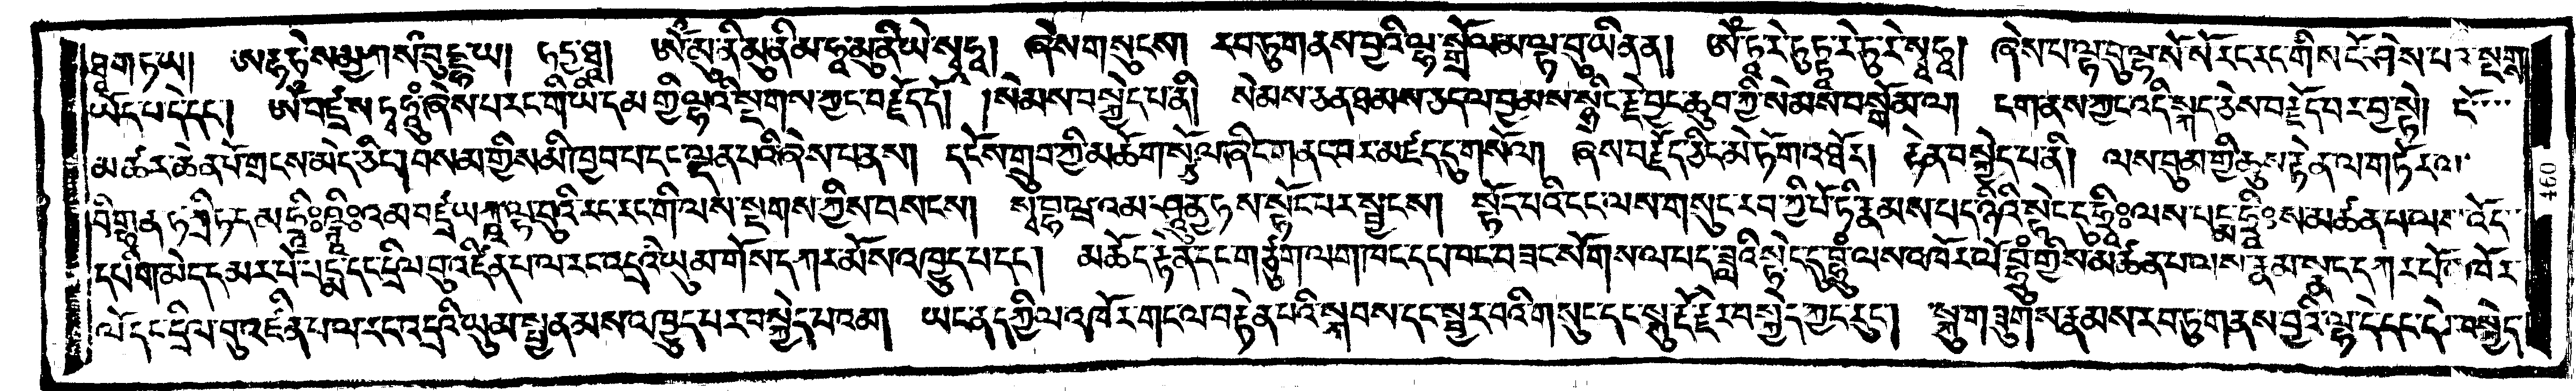ཐཱ་ག་ཏ་ཡ། ཨ་རྷ་ཏེ་ས་མྱ་ཀ་སི་བུདྡྷ་ཡ། ཏ་དྱ་ཐཱ། ཨོཾ་མུ་ནི་མུ་ནི་མ་ཧཱ་མུ་ནི་ཡེ་སྭཱཧཱ། ཞེས་གསུངས། རབ་ཏུ་གནས་བྱའི་ལྷ་སྒྲོལ་མ་ལྟ་བུ་ཡིན་ན། ཨོཾ་ཏཱ་རེ་ཏུཏྟཱ་རེ་ཏུ་རེ་སྭཱཧཱ། ཞེས་པ་ལྟ་བུ་ལྷ་སོ་སོ་རང་རང་གིས་ངོ་ཤེས་པར་སྔགས་
ཡོད་པ་དེ་དང་། ཨོཾ་བཛྲ་ས་ཏྭ་ཧཱུཾ་ཞེས་པ་རང་གི་ཡི་དམ་གྱི་ལྷའི་སྔགས་ཀྱང་བརྗོད་དོ། །སེམས་བསྐྱེད་པ་ནི། སེམས་ཅན་ཐམས་ཅད་ལ་བྱམས་སྙིང་རྗེ་བྱང་ཆུབ་ཀྱི་སེམས་བསྒོམ་ལ། དག་ནས་ཀྱང་འདི་སྐད་ཅེས་བརྗོད་པར་བྱ་སྟེ། ངོ་
མཚར་ཆེན་པོ་གྲངས་མེད་ཅིང་། བསམ་གྱིས་མི་ཁྱབ་པ་དང་ལྡན་པའི་ཞེས་པ་ནས། དངོས་གྲུབ་ཀྱི་མཆོག་སྩོལ་ཞིང་གནང་བར་མཛད་དུ་གསོལ། ཞེས་བརྗོད་ཅིང་མེ་ཏོག་འཐོར། རྟེན་བསྐྱེད་པ་ནི། ལས་བུམ་གྱི་ཆུས་རྟེན་ལ་གཏོར་ལ་
བིགྷན་ཏ་ཀྲི་ཏ་དམ་ཧྙིཿ ཥྚིཿ འམ་བཛྲ་ཡཀྵ་ལྟ་བུའི་རང་རང་གི་ལས་སྔགས་ཀྱིས་བསངས། སྭབྷ་ཝ་འམ་ཤཱུནྱ་ཏས་སྟོང་པར་སྦྱངས། སྟོང་པའི་ངང་ལས་གསུང་རབ་ཀྱི་པོ་ཏི་རྣམས་པད་ཉིའི་སྟེང་དུ་ཧྲཱིཿ ལས་པདམ་ཧྲཱིཿ ས་མཚན་པ་ལས་འོད་
དཔག་མེད་དམར་པོ་པདམ་དང་དྲིལ་བུ་འཛིན་པ་ལ་རང་འདྲའི་ཡུམ་གོས་དཀར་མོས་འཁྱུད་པ་དང་། མཆོད་རྟེན་དང་གཙུག་ལག་ཁང་དང་ཁང་བཟང་སོགས་ལ་པད་ཟླའི་སྟེང་དུ་བྷྲུཾ་ལས་འཁོར་ལོ་བྷྲུཾ་གྱིས་མཚན་པ་ལས་རྣམ་སྣང་དཀར་པོ་འཁོར་
ལོ་དང་། དྲིལ་བུ་འཛིན་པ་ལ་རང་འདྲའི་ཡུམ་སྤྱན་མས་འཁྱུད་པར་བསྐྱེད་པའམ། ཡང་ན་དཀྱིལ་འཁོར་གང་ལ་བརྟེན་པའི་སྐབས་དང་སྦྱར་བའི་གསུང་དང་སྐུ་རྡོ་རྗེ་རབ་སྐྱེད་ཀྱང་རུང་། སྐུ་གཟུགས་རྣམས་རབ་ཏུ་གནས་བྱའི་ལྷ་དེ་དང་དེར་བསྐྱེད་